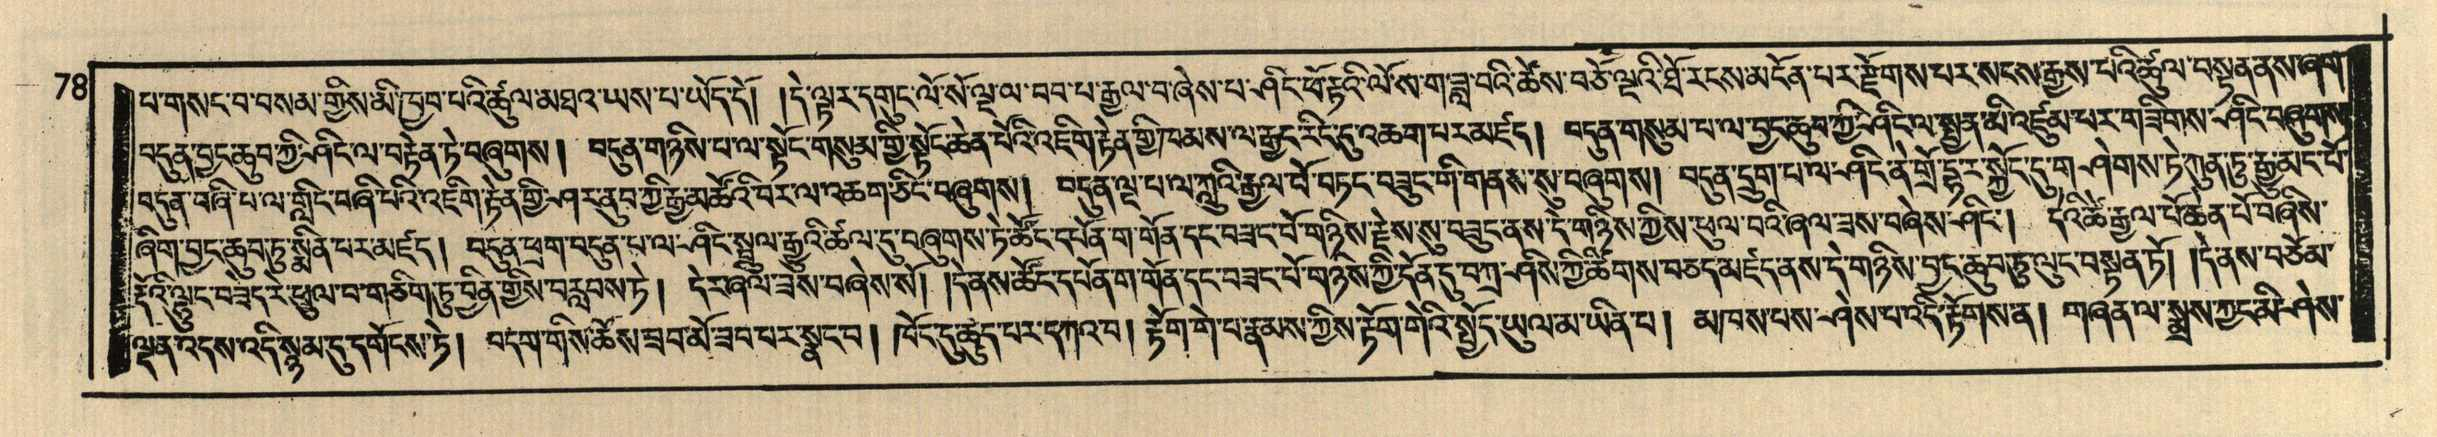པ་གསང་བ་བསམ་གྱིས་མི་ཁྱབ་པའི་ཚུལ་མཐའ་ཡས་པ་ཡོད་དོ། །དེ་ལྟར་དགུང་ལོ་སོ་ལྔ་ལ་བབ་པ་རྒྱལ་བ་ཞེས་པ་ཤིང་ཕོ་རྟའི་ལོ་ས་ག་ཟླ་བའི་ཚེས་བཅོ་ལྔའི་ཐོ་རངས་མངོན་པར་རྫོགས་པར་སངས་རྒྱས་པའི་ཚུལ་བསྟན་ནས་ཞག་
བདུན་བྱང་ཆུབ་ཀྱི་ཤིང་ལ་བརྟེན་ཏེ་བཞུགས། བདུན་གཉིས་པ་ལ་སྟོང་གསུམ་གྱི་སྟོང་ཆེན་པོའི་འཇིག་རྟེན་གྱི་ཁམས་ལ་རྒྱང་རིང་དུ་འཆག་པར་མཛད། བདུན་གསུམ་པ་ལ་བྱང་ཆུབ་ཀྱི་ཤིང་ལ་སྦྱན་མི་འཛུམ་པར་གཟིགས་ཤིང་བཞུགས་
བདུན་བཞི་པ་ལ་གླིང་བཞི་པའི་འཇིག་རྟེན་གྱི་ཤར་ནུབ་ཀྱི་རྒྱ་མཚོའི་བར་ལ་འཆག་ཅིང་བཞུགས། བདུན་ལྔ་པ་ལ་ཀླུའི་རྒྱལ་པོ་བཏང་བཟུང་གི་གནས་སུ་བཞུགས། བདུན་དྲུག་པ་ལ་ཤིང་ནེ་གྲོ་དྷ་ར་སྐྱོང་དུ་གཤེགས་ཏེ་ཀུན་ཏུ་རྒྱུ་མང་པོ་
ཞིག་བྱང་ཆུབ་ཏུ་སྨིན་པར་མཛད། བདུན་ཕྲག་བདུན་པ་ལ་ཤིང་སྦྲུལ་རྒྱུའི་ཚལ་དུ་བཞུགས་ཏེ་ཚོང་དཔོན་ག་གོན་དང་བཟང་པོ་གཉིས་རྗེས་སུ་བཟུང་ནས་དེ་གཉིས་ཀྱིས་ཕུལ་བའི་ཞལ་ཟས་བཞེས་ཤིང་། དེའི་ཚེ་རྒྱལ་པོ་ཆེན་པོ་བཞིས་
རྡོའི་ལྷུང་བཟེད་རེ་ཕུལ་བ་གཅིག་ཏུ་བྱིན་གྱིས་བརླབས་ཏེ། དེར་ཞལ་ཟས་བཞེས་སོ། །དེ་ནས་ཚོང་དཔོན་ག་གོན་དང་བཟང་པོ་གཉིས་ཀྱི་དོན་དུ་བཀྲ་ཤིས་ཀྱི་ཚིགས་བཅད་མཛད་ནས་དེ་གཉིས་བྱང་ཆུབ་ཏུ་ལུང་བསྟན་ཏོ། །དེ་ནས་བཅོམ་
ལྡན་འདས་འདི་སྙམ་དུ་དགོངས་ཏེ། བདག་གིས་ཆོས་ཟབ་མོ་ཟབ་པར་སྣང་བ། ཁོང་དུ་ཚུད་པར་དཀའ་བ། རྟོག་གེ་པ་རྣམས་ཀྱིས་རྟོག་གེའི་སྤྱོད་ཡུལ་མ་ཡིན་པ། མཁས་པས་ཤེས་པ་འདི་རྟོགས་ན། གཞན་ལ་སྨྲས་ཀྱང་མི་ཤེས་